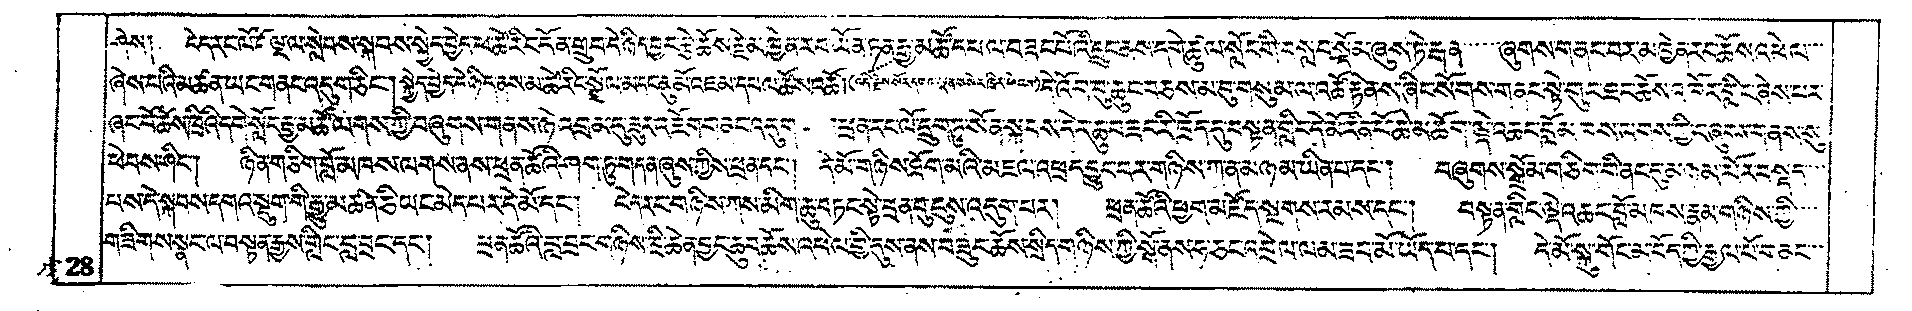ཤེས། ངེད་རང་ལོ་ངོ་ལྔ་ལ་སླེབས་སྐབས་སྐྱེད་བྱེད་ཕ་ཚེ་རིང་དོན་གྲུབ་དེ་ཉིད་བྱང་རྩེ་ཆོས་རྗེ་མཁྱེན་རབ་ཡོན་ཏན་རྒྱ་མཚོ་དཔལ་བཟང་པོའི་དྲུང་ནས་དགེ་ཚུལ་སློང་གི་བསླབ་སྡོམ་ཞུས་ཏེ་རྒན་ཞུགས་གནང་བར་མཁྱེན་རབ་ཆོས་འཕེལ་
ཞེས་པའི་མཚན་ཡང་གནང་འདུག་ཅིང་། སྐྱེད་བྱེད་དེ་ཉིད་ནས་མ་ཚེ་རིང་སྒྲོལ་མ་དང་ནུ་མོ་འཇམ་དཔལ་ཚོས་འཚོ། འདི་རྗེས་སོར་དགའ་ལྡན་གསེར་ཁྲིར་ཕེབས་དེ་འོག་བུ་ཆུང་བཅས་མ་བུ་གསུམ་ལ་འཚོ་རྟེན་ས་ཞིང་སོགས་གནང་སྟེ་གུང་ཐང་ཆོས་འཁོར་གླིང་ཞེས་པར་
ཞང་པོ་ཆོས་ཁྲིའི་དགེ་སློང་རྒྱ་མཚོ་ལགས་ཀྱི་བཞུགས་གནས་ཉེ་འགྲམ་དུ་ཟུར་འཇོག་གནང་འདུག །ཕྲན་རང་ལོ་དྲུག་ཏུ་སོན་སྐབས་དེར་ཆུ་བཟང་རི་ཁྲོད་དུ་བསྟན་གླིང་དེ་མོ་རིན་པོ་ཆེ་མཆོག་ལྡེ་འཆང་བློ་མཁས་ལགས་ཀྱི་བཞུགས་གནས་སུ་
ཕེབས་ཤིང་། ཉིན་གཅིག་བློ་མཁས་ལགས་ནས་ཕྲན་ཚོའི་ཤག་ཏུ་གདན་ཞུས་ཀྱིས་ཕྲན་དང་། དེ་མོ་གཉིས་ཐོག་མའི་མཇལ་འཕྲད་བྱུང་བར་གཉིས་ཀ་ན་མཉམ་ཡིན་པ་དང་། བཞུགས་སྒྲོམ་གཅིག་གི་ནང་དུ་མཉམ་པོར་བསྡད་
པས་དེ་སྐབས་དགའ་སྡུག་གི་རྒྱུ་མཚན་ཅི་ཡང་མེད་པར་དེ་མོ་དང་། ངེད་རང་གཉིས་ཀས་མིག་ཆུ་བཏང་སྟེ་ཕྲན་བུ་ངུས་འདུག་པར། ཕྲན་ཚོའི་ཕྱག་མཛོད་སྔགས་རམས་དང་། བསྟན་གླིང་ལྡེ་འཆང་བློ་མཁས་རྣམ་གཉིས་ཀྱི་
གཟིགས་སྣང་ལ་བསྟན་རྒྱས་གླིང་བླ་བྲང་དང་། ཕྲན་ཚོའི་བླ་བྲང་གཉིས་ཁྲི་ཆེན་བྱང་ཆུབ་ཆོས་འཕེལ་གྱི་དུས་ནས་བཟུང་ཆོས་སྲིད་གཉིས་ཀྱི་སྒོ་ནས་ཧ་ཅང་འབྲེལ་ལམ་ཟབ་མོ་ཡོད་པ་དང་། དེ་མོ་སྐུ་གོང་མ་བོད་ཀྱི་རྒྱལ་པོ་གནང་